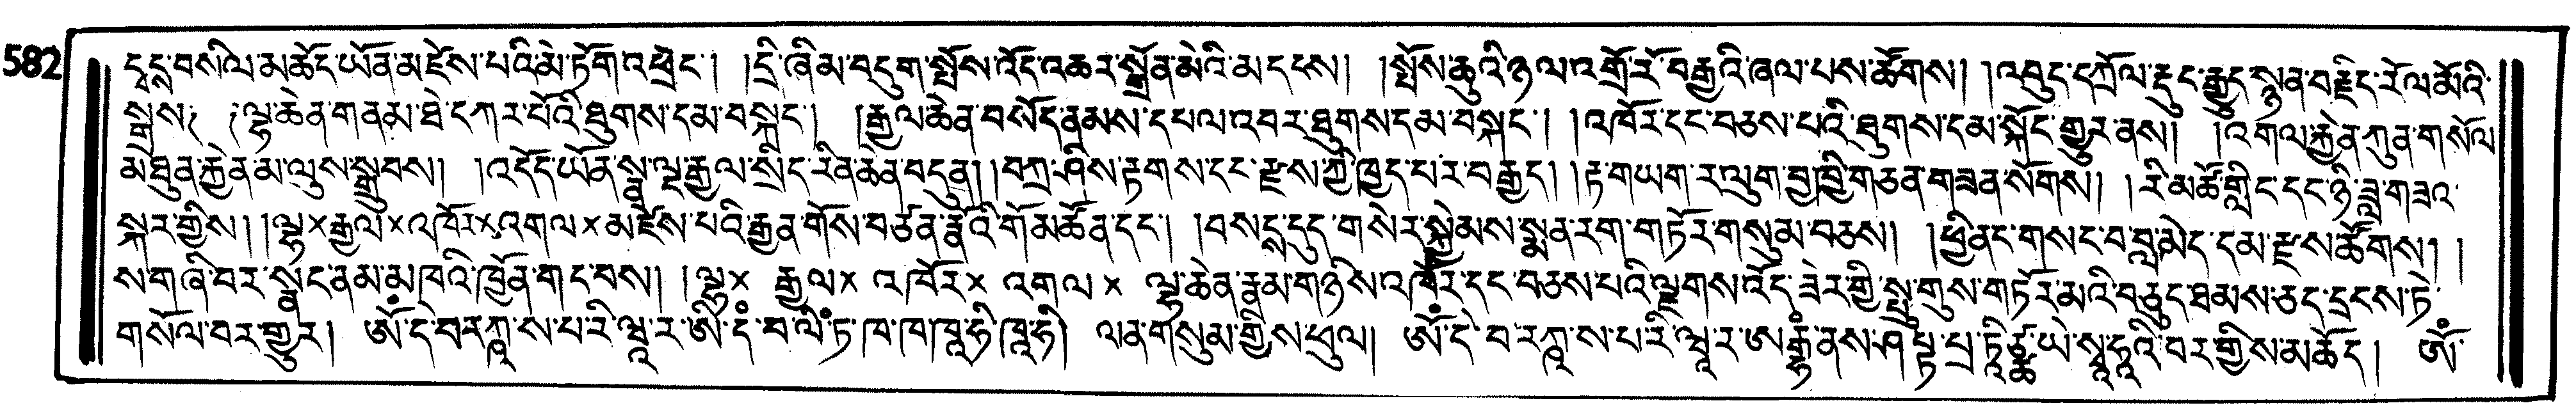དྭངས་བསིལ་མཆོད་ཡོན་མཛེས་པའི་མེ་ཏོག་འཕྲེང་། །དྲི་ཞིམ་བདུག་སྤོས་འོད་འཆར་སྒྲོན་མེའི་མདངས། །སྤོས་ཆུའི་ཉལ་འགྲོ་རོ་བརྒྱའི་ཞལ་པས་ཚོགས། །འབུད་དཀྲོལ་རྡུང་རྒྱུད་སྙན་བརྗིད་རོལ་མོའི་
སྒྲས༑ ༑ལྷ་ཆེན་གནམ་ཐེ་དཀར་པོའི་ཐུགས་དམ་བསྐང་། །རྒྱལ་ཆེན་བསོད་ནམས་དཔལ་འབར་ཐུགས་དམ་བསྐང་། །འཁོར་དང་བཅས་པའི་ཐུགས་དམ་སྐོང་གྱུར་ནས། །འགལ་རྐྱེན་ཀུན་གསོལ་
མཐུན་རྐྱེན་མ་ལུས་སྒྲུབས། །འདོད་ཡོན་སྣ་ལྔ་རྒྱལ་སྲིད་རིན་ཆེན་བདུན། །བཀྲ་ཤིས་རྟགས་དང་རྫས་ཀྱི་ཁྱད་པར་བརྒྱད། །རྟ་གཡག་ར་ལུག་བྱ་ཁྱི་གཅན་གཟན་སོགས། །རི་མཚོ་གླིང་དང་ཉི་ཟླ་གཟའ་
སྐར་གྱིས། །ལྷ་྾་རྒྱལ་྾་འཁོར་྾་འགལ་྾་མཛེས་པའི་རྒྱན་གོས་བཙན་རྣོའི་གོ་མཚོན་དང་། །བསངས་དུད་གསེར་སྐྱེམས་སྨན་རག་གཏོར་གསུམ་བཅས། །ཕྱི་ནང་གསང་བ་བླ་མེད་དམ་རྫས་ཚོགས། །
ས་གཞི་བར་སྣང་ནམ་མཁའི་ཁྱོན་གང་བས། །ལྷ་྾་རྒྱལ་྾་འཁོར་྾་འགལ་྾་ལྷ་ཆེན་རྣམ་གཉིས་འཁོར་དང་བཅས་པའི་ལྗགས་འོད་ཟེར་གྱི་སྤུ་གུས་གཏོར་མའི་བཅུང་ཐམས་ཅད་དྲངས་ཏེ་
གསོལ་བར་གྱུར། ཨོཾ་དེ་བརྐྵ་ས་པ་རི་ཝཱ་ར་ཨི་དཾ་བ་ལིཾ་ཏ་ཁ་ཁ་ཁཱ་ཧི་ཁཱ་ཧི། ལན་གསུམ་གྱིས་ཕུལ། ཨོཾ་དེ་བ་རཀྵ་ས་པ་རི་ཝཱ་ར་ཨ་རྒྷཾ་ནས་ཤ་པྟ་པྲ་ཏཱི་ཙྪ་ཡེ་སྭཱ་ཧཱའི་བར་གྱིས་མཆོད། ཨོཾ་